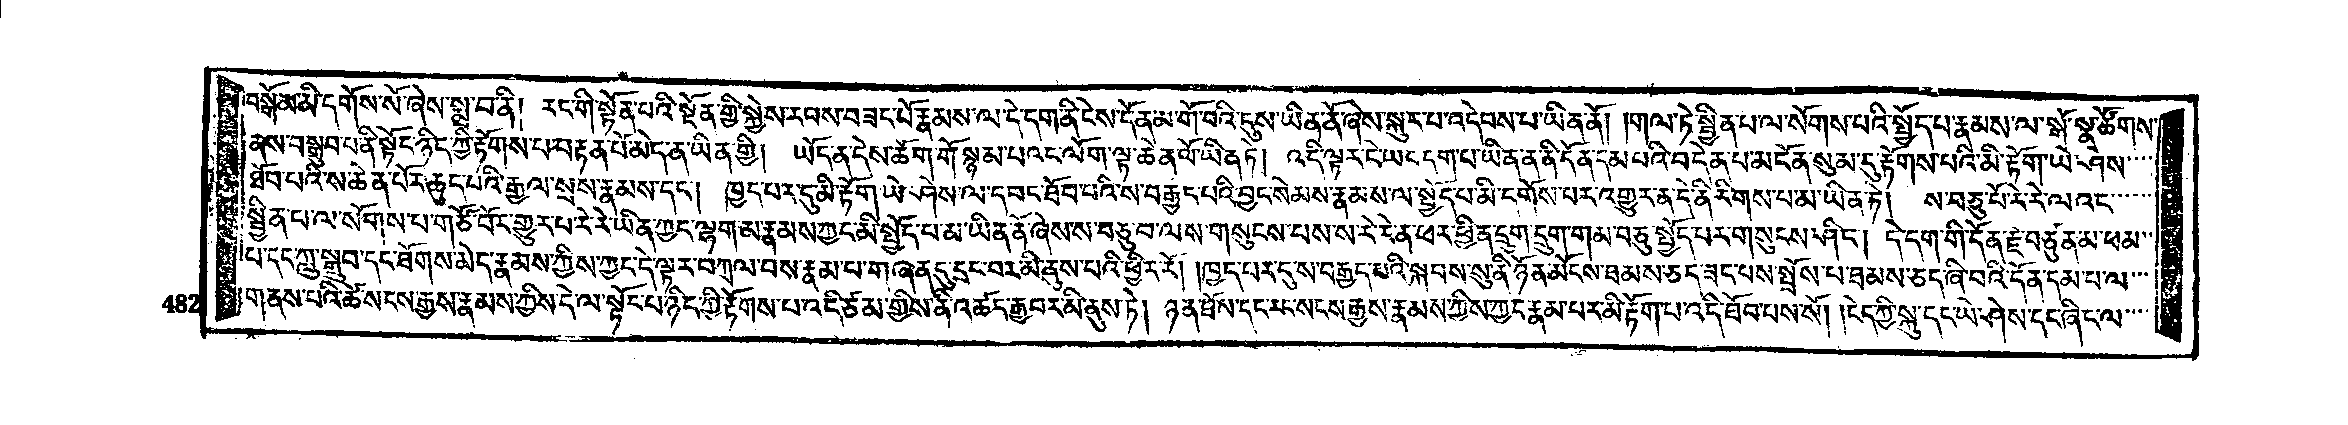བསྒོམ་མི་དགོས་སོ་ཞེས་སྨྲ་བ་ནི། རང་གི་སྟོན་པའི་སྔོན་གྱི་སྐྱེས་རབས་བཟང་པོ་རྣམས་ལ་དེ་དག་ནི་ངེས་དོན་མ་གོ་བའི་དུས་ཡིན་ནོ་ཞེས་སྐུར་པ་འདེབས་པ་ཡིན་ནོ། །གལ་ཏེ་སྦྱིན་པ་ལ་སོགས་པའི་སྤྱོད་པ་རྣམས་ལ་སྒོ་སྣ་ཚོགས་
ནས་བསྒྲུབ་པ་ནི་སྟོང་ཉིད་ཀྱི་རྟོགས་པ་བརྟན་པོ་མེད་ན་ཡིན་གྱི། ཡོད་ན་དེས་ཆོག་གོ་སྙམ་པའང་ལོག་ལྟ་ཆེན་པོ་ཡིན་ཏེ། འདི་ལྟར་དེ་ཡང་དག་པ་ཡིན་ན་ནི་དོན་དམ་པའི་བདེན་པ་མངོན་སུམ་དུ་རྟོགས་པའི་མི་རྟོག་ཡེ་ཤེས་
ཐོབ་པའི་ས་ཆེན་པོར་ཆུད་པའི་རྒྱལ་སྲས་རྣམས་དང་། ཁྱད་པར་དུ་མི་རྟོག་ཡེ་ཤེས་ལ་དབང་ཐོབ་པའི་ས་བརྒྱད་པའི་བྱང་སེམས་རྣམས་ལ་སྤྱོད་པ་མི་དགོས་པར་འགྱུར་ན་དེ་ནི་རིགས་པ་མ་ཡིན་ཏེ། ས་བཅུ་པོ་རེ་རེ་ལའང་
སྦྱིན་པ་ལ་སོགས་པ་གཙོ་བོར་གྱུར་པ་རེ་རེ་ཡིན་ཀྱང་ལྷག་མ་རྣམས་ཀྱང་མི་སྤྱོད་པ་མ་ཡིན་ནོ་ཞེས་ས་བཅུ་པ་ལས་གསུངས་པས་ས་རེ་རེ་ན་ཕར་ཕྱིན་དྲུག་དྲུག་གམ་བཅུ་སྤྱོད་པར་གསུངས་ཤིང་། དེ་དག་གི་དོན་རྗེ་བཙུན་མ་ཕམ་
པ་དང་ཀླུ་སྒྲུབ་དང་ཐོགས་མེད་རྣམས་ཀྱིས་ཀྱང་དེ་ལྟར་བཀྲལ་བས་རྣམ་པ་གཞན་དུ་དྲང་བར་མི་ནུས་པའི་ཕྱིར་རོ། །ཁྱད་པར་དུ་ས་བརྒྱད་པའི་སྐབས་སུ་ནི་ཉོན་མོངས་ཐམས་ཅད་ཟད་པས་སྤྲོས་པ་ཐམས་ཅད་ཞི་བའི་དོན་དམ་པ་ལ་
གནས་པའི་ཚེ་སངས་རྒྱས་རྣམས་ཀྱིས་དེ་ལ་སྟོང་པ་ཉིད་ཀྱི་རྟོགས་པ་འདི་ཙམ་གྱིས་ནི་འཚང་རྒྱ་བར་མི་ནུས་ཏེ། ཉན་ཐོས་དང་རང་སངས་རྒྱས་རྣམས་ཀྱིས་ཀྱང་རྣམ་པར་མི་རྟོག་པ་འདི་ཐོབ་པས་སོ། །ངེད་ཀྱི་སྐུ་དང་ཡེ་ཤེས་དང་ཞིང་ལ་